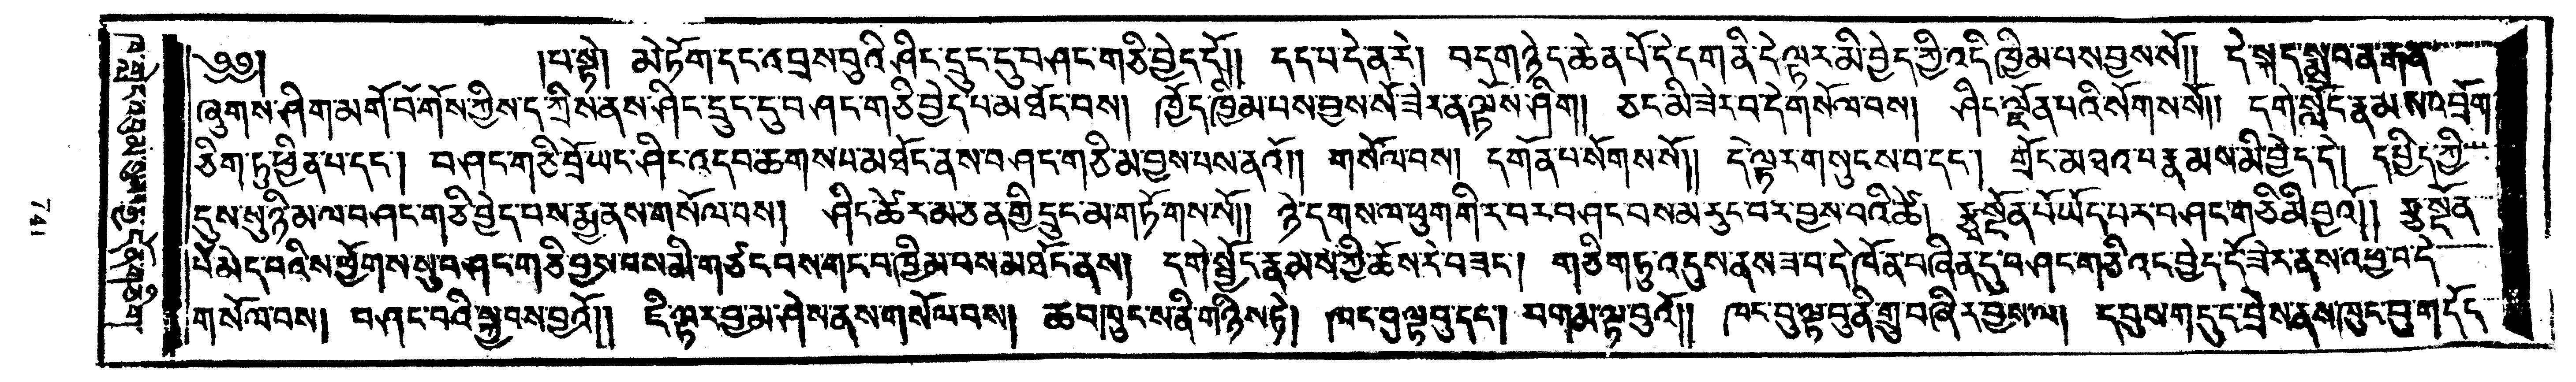༄༅། །པ་སྟེ། མེ་ཏོག་དང་འབྲས་བུའི་ཤིང་དྲུང་དུ་བཤང་གཅི་བྱེད་དོ།། དད་པ་དེ་ན་རེ། བདག་ཉེད་ཆེན་པོ་དེ་དག་ནི་དེ་ལྟར་མི་བྱེད་ཀྱི་འདི་ཁྱིམ་པས་བྱས་སོ།། དེ་སྐད་སྨྲ་བ་ན་རྒན་
ཞུགས་ཤིག་མགོ་བོ་གོས་ཀྱིས་ད་ཀྲིས་ནས་ཤིང་དྲུང་དུ་བཤད་གཅི་བྱེད་པ་མཐོང་བས། ཁྱོད་ཁྱིམ་པས་བྱས་སོ་ཟེར་ན་ལྟོས་ཤིག། ཅང་མི་ཟེར་བ་དེ་གསོལ་བས། ཤིང་ལྗོན་པའི་སོགས་སོ།། དགེ་སློང་རྣམས་འབྲོག་
ཅིག་ཏུ་ཕྱིན་པ་དང་། བཤད་གཅི་བྲོ་ཡང་ཤིང་འདབ་ཆགས་པ་མཐོང་ནས་བཤད་གཅི་མ་བྱས་པས་ནའོ།། གསོལ་བས། དགོན་པ་སོགས་སོ།། དེ་ལྟར་གསུངས་བ་དང་། གྲོང་མཐའ་པ་རྣམས་མི་བྱེད་དེ། དཔྱིད་ཀྱི་
དུས་སུ་ཉི་མ་ལ་བཤད་གཅི་བྱེད་པས་རྨྱ་ནས་གསོལ་བས། ཤིང་ཚེར་མ་ཅན་གྱི་དྲུང་མ་གཏོགས་སོ།། ཉེ་དགས་ལ་ཕུག་གིར་བར་བཤད་བསམ་རུང་བར་བྱས་བའི་ཚེ། རྩྭ་སྔོན་པོ་ཡོད་པར་བཤད་གཅི་མི་བྱའོ།། རྩ་སྔོན་
པོ་མེད་པའི་ས་ཕྱོགས་སུ་བཤད་གཅི་བྱས་པས་མི་གཙང་བས་གང་བ་ཁྱིམ་པས་མཐོང་ནས། དགེ་སྦྱོང་རྣམས་ཀྱི་ཆོས་རེ་བཟང་། གཅིག་ཏུ་འདུས་ནས་ཟ་བ་དེ་ཁོ་ན་བཞིན་དུ་བཤད་གཅིའང་བྱེད་དོ་ཟེར་ནས་འཕྱ་བ་དེ་
གསོལ་བས། བཤད་པའི་སྐྱབས་བྱའོ།། ཇི་ལྟར་བྱ་མ་ཤེས་ནས་གསོལ་བས། ཆབ་ཁུང་ས་ནི་གཉིས་ཏེ། ཁང་བུ་ལྟ་བུ་དང་། བགམ་ལྟ་བུའོ།། ཁང་བུ་ལྟ་བུ་ནི་གྲུ་བཞིར་བྱས་ལ། དབུས་གདུང་བྲེས་ནས་ཁུང་བུ་གདོང་